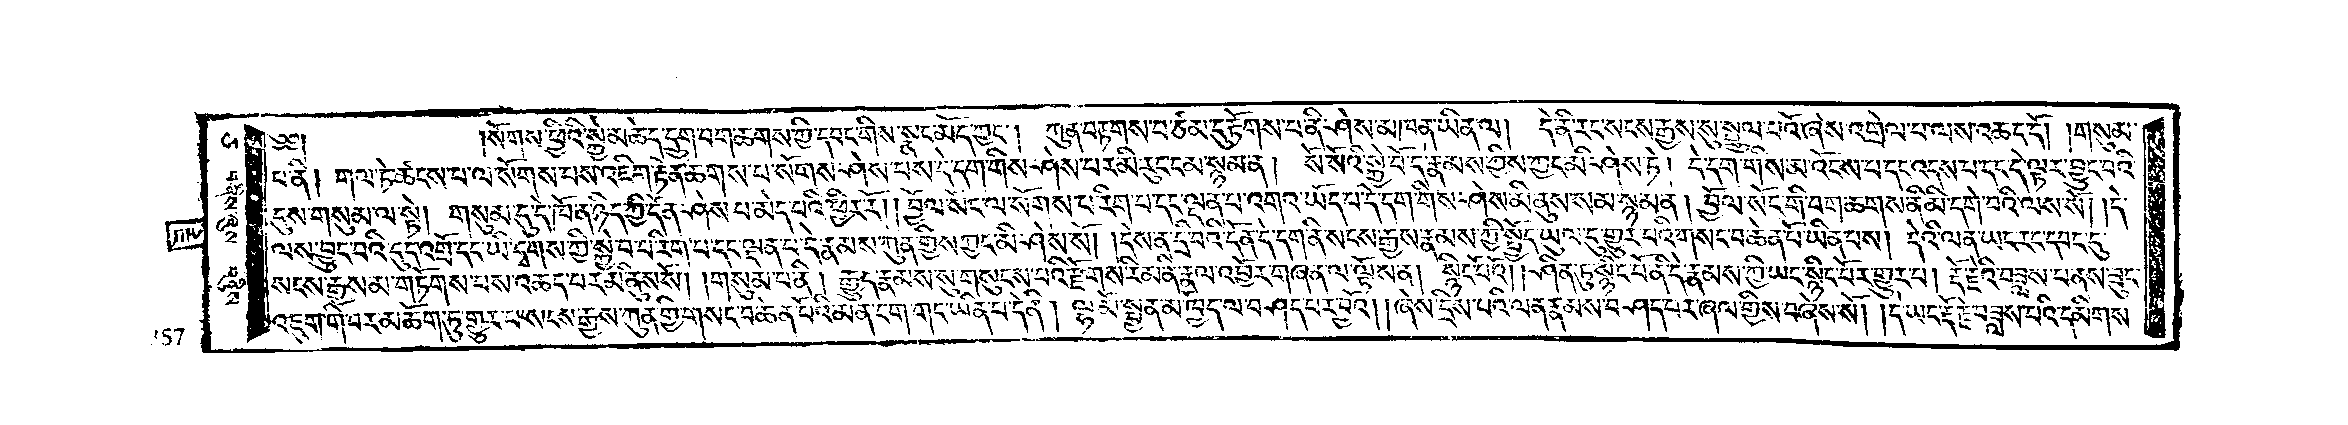༄༅། །སོགས་ཕྱིའི་སྐྱེ་མཆེད་དྲུག་བག་ཆགས་ཀྱི་དབང་གིས་སྣང་མོད་ཀྱང་། ཀུན་བརྟགས་བ་ཙམ་དུ་རྟོགས་པ་ནི་ཤེས་མཁན་ཡིན་ལ། དེ་ནི་རང་སངས་རྒྱས་སུ་སྤྲུལ་པའོ་ཞེས་འགྲེལ་པ་ལས་འཆད་དོ། །གསུམ་
པ་ནི། གལ་ཏེ་ཚངས་པ་ལ་སོགས་པས་འཇིག་རྟེན་ཆགས་པ་སོགས་ཤེས་པས་དེ་དག་གིས་ཤེས་པར་མི་རུང་ངམ་སྙམ་ན། སོ་སོའི་སྐྱེ་བོ་དེ་རྣམས་ཀྱིས་ཀྱང་མི་ཤེས་ཏེ། དེ་དག་གིས་མ་འོངས་པ་དང་འདས་པ་དང་ད་ལྟར་བྱུང་བའི་
དུས་གསུམ་ལ་སྟེ། གསུམ་དུ་དེ་ཁོ་ན་ཉིད་ཀྱི་དོན་ཤེས་པ་མེད་པའི་ཕྱིར་རོ། །བྱོལ་སོང་ལ་སོགས་པ་རིག་པ་དང་ལྡན་པ་འགའ་ཡོད་པ་དེ་དག་གིས་ཤེས་མི་ནུས་སམ་སྙམ་ན། བྱོལ་སོང་གི་བག་ཆགས་ནི་མི་དགེ་བའི་ལས་སོ། །དེ་
ལུས་བྱུང་བའི་དུད་འགྲོ་དང་ཡི་དྭགས་ཀྱི་སྐྱེ་བ་པ་རིག་པ་དང་ལྡན་པ་དེ་རྣམས་ཀུན་གྱིས་ཀྱང་མི་ཤེས་སོ། །དེས་ན་དྲི་བའི་དོན་དེ་དག་ནི་སངས་རྒྱས་རྣམས་ཀྱི་སྤྱོད་ཡུལ་དུ་གྱུར་པའི་གསང་བ་ཆེན་པོ་ཡིན་པས། དེའི་ལན་ཡང་རང་དབང་དུ་
སངས་རྒྱས་མ་གཏོགས་པས་འཆད་པར་མི་ནུས་སོ། །གསུམ་པ་ནི། རྒྱུད་རྣམས་སུ་གསུངས་པའི་རྫོགས་རིམ་ནི་རྣལ་འབྱོར་གཞན་ལ་ལྟོས་ན། སྙིང་པོའོ། །ཤིན་ཏུ་སྙིང་པོ་ནི་དེ་རྣམས་ཀྱི་ཡང་སྙིང་པོར་གྱུར་པ། རྡོ་རྗེའི་བཟླས་པ་ནས་ཟུང་
འཇུག་གི་བར་མཆོག་ཏུ་གྱུར་པ་སངས་རྒྱས་ཀུན་གྱི་གསང་བ་ཆེན་པོའི་མན་ངག་གང་ཡིན་པ་དེ་ནི། ལྷ་མོ་སྤྱན་མ་ཁྱོད་ལ་བཤད་པར་བྱའོ། །ཞེས་དྲིས་པའི་ལན་རྣམས་བཤད་པར་ཞལ་གྱིས་བཞེས་སོ། །དེ་ཡང་རྡོ་རྗེ་བཟླས་པའི་དམིགས་